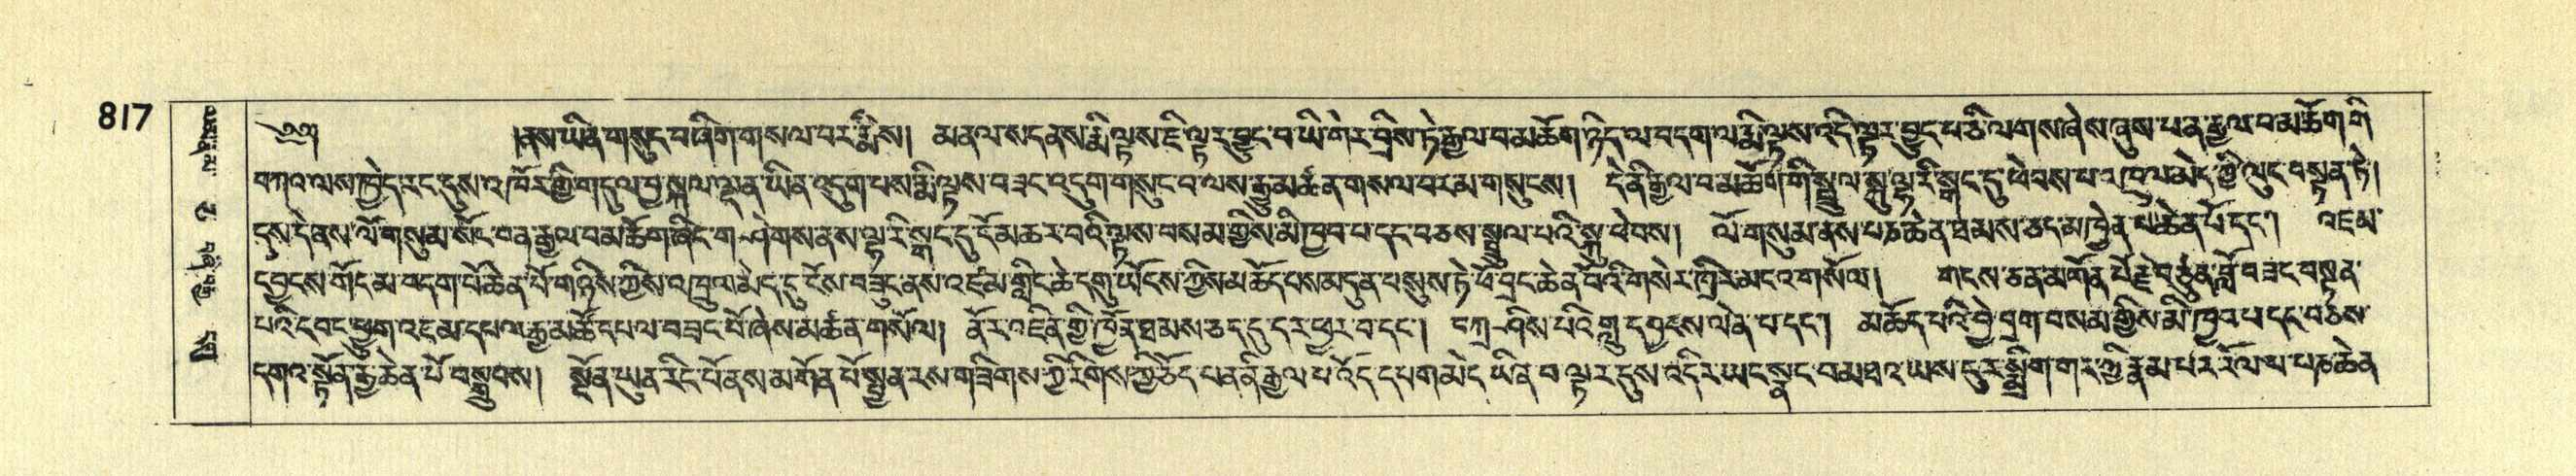༄༅། །ནས་ཡིན་གསུང་བ་ཞིག་གསལ་བར་རྨིས། མནལ་སད་ནས་རྨི་ལྟས་ཇི་ལྟར་བྱུང་བ་ཡི་གེར་བྲིས་ཏེ་རྒྱལ་བ་མཆོག་ཉིད་ལ་བདག་ལ་རྨི་ལྟས་འདི་ལྟར་བྱུང་པ་ཅི་ལགས་ཞེས་ཞུས་པ་ན་རྒྱལ་བ་མཆོག་གི་
བཀའ་ལས་ཁྱེད་རང་དུས་འཁོར་གྱི་གདུལ་བྱ་སྐལ་ལྡན་ཡིན་འདུག་པས་རྨི་ལྟས་བཟང་འདུག་གསུང་བ་ལས་རྒྱུ་མཚན་གསལ་བར་མ་གསུངས། དེ་ནི་རྒྱལ་བ་མཆོག་གི་སྤྲུལ་སྐུ་ལྷ་རི་སྒང་དུ་ཕེབས་པ་འཁྲུལ་མེད་ཀྱི་ལུང་བསྟན་ཏེ།
དུས་དེ་ནས་ལོ་གསུམ་སོང་བ་ན་རྒྱལ་བ་མཆོག་ཞིང་གཤེགས་ནས་ལྷ་རི་སྒང་དུ་ངོ་མཚར་བའི་ལྟས་བསམ་གྱིས་མི་ཁྱབ་པ་དང་བཅས་སྤྲུལ་པའི་སྐུ་ཕེབས། ལོ་གསུམ་ནས་པཎ་ཆེན་ཐམས་ཅད་མཁྱེན་པ་ཆེན་པོ་དང་། འཇམ་
དབྱང་གོང་མ་བདག་པོ་ཆེན་པོ་གཉིས་ཀྱིས་འཁྲུལ་མེད་དུ་ངོས་བཟུང་ནས་འཛམ་གླིང་ཆེ་དགུ་ཡོངས་ཀྱིས་མཆོད་པས་མདུ་ན་བསུས་ཏེ་ཕོ་བྲང་ཆེན་པོའི་གསེར་ཁྲིར་མངའ་གསོལ། གངས་ཅན་མགོན་པོ་རྗེ་བཙུན་བློ་བཟང་བསྟན་
པའི་དབང་ཕྱུག་འཇམ་དཔལ་རྒྱ་མཚོ་དཔལ་བཟང་པོ་ཞེས་མཚན་གསོལ། ནོར་འཛིན་གྱི་ཁྱོན་ཐམས་ཅད་དུ་དར་ཕྱར་བ་དང་། བཀྲ་ཤིས་པའི་གླུ་དབྱངས་ལེན་པ་དང་། མཆོད་པའི་བྱེ་བྲག་བསམ་གྱིས་མི་ཁྱབ་པ་དང་བཅས་
དགའ་སྟོན་རྒྱ་ཆེན་པོ་བསྒྲུབས། སྔོན་ཡུན་རིང་པོ་ནས་མགོན་པོ་སྤྱན་རས་གཟིགས་ཀྱི་རིགས་ཀྱི་ཅོད་པན་ནི་རྒྱལ་པ་འོད་དཔག་མེད་ཡིན་བ་ལྟར་དུས་འདིར་ཡང་སྣང་བ་མཐའ་ཡས་དུར་སྨྲིག་གར་ཀྱི་རྣམ་པར་རོལ་པ་པཎ་ཆེན་